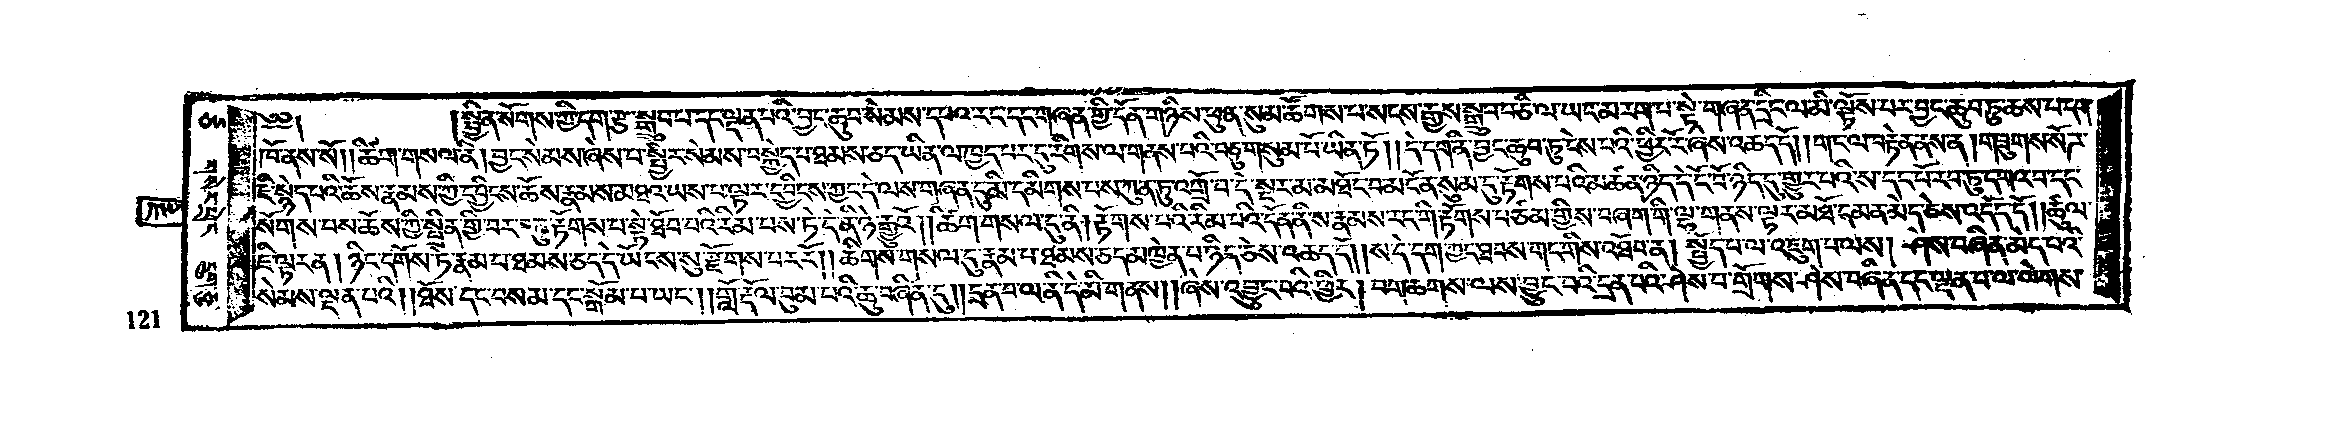༄༅། །སྦྱིན་སོགས་ཀྱི་དགེ་རྩ་སྒྲུབ་པ་དང་ལྡན་པའི་བྱང་ཆུབ་སེམས་དཔའ་རང་དང་གཞན་གྱི་དོན་གཉིས་ཕུན་སུམ་ཚོགས་པ་སངས་རྒྱས་སྒྲུབ་པ་ཅི་ལ་ཡང་མ་རག་པ་སྟེ་གཞན་དྲིང་ལ་མི་ལྟོས་པར་བྱང་ཆུབ་ཏུ་ཆས་པ་དག་
ཁོ་ནས་སོ། །ཚིག་གསལ་ནི། བྱང་སེམས་ཞེས་པ་སྤྱིར་སེམས་བསྐྱེད་པ་ཐམས་ཅད་ཡིན་ལ་ཁྱད་པར་དུ་རིགས་ལ་གནས་པའི་བཅུ་གསུམ་པོ་ཡིན་ཏོ། །དེ་དག་ནི་བྱང་ཆུབ་ཏུ་ངེས་པའི་ཕྱིར་རོ་ཞེས་འཆད་དོ། །གང་ལ་བརྟེན་ནས་ན། གཟུགས་སོགས་
ཇི་སྙེད་པའི་ཆོས་རྣམས་ཀྱི་དབྱིངས་ཆོས་རྣམས་མཐའ་ཡས་པ་ལྟར་དབྱིངས་ཀྱང་དེ་ལས་གཞན་དུ་མི་དམིགས་པས་ཀུན་ཏུ་འགྲོ་བ་དེ་སྔར་མ་མཐོང་བ་མངོན་སུམ་དུ་རྟོགས་པའི་མཚན་ཉིད་དེ་ངོ་བོ་ཉིད་དུ་གྱུར་པའི་ས་དང་པོ་རབ་ཏུ་དགའ་བ་དང་
སོགས་པས་ཆོས་ཀྱི་སྤྲིན་གྱི་བར་བཅུ་རྟོགས་པ་སྟེ་ཐོབ་པའི་རིམ་པས་ཏེ་དེ་ནི་ཉེ་རྒྱུའོ། །ཚིག་གསལ་དུ་ནི། རྟོགས་པའི་རིམ་པའི་དོན་ནི་ས་རྣམས་རང་གི་རྟོགས་པ་ཙམ་གྱིས་བཞག་གི་ལྷ་གནས་ལྟར་མཐོ་དམན་མེད་ཅེས་འདོད་དོ། །ཚུལ་
ཇི་ལྟར་ན། ཉིང་དགོས་ཏེ་རྣམ་པ་ཐམས་ཅད་དེ་ཡོངས་སུ་རྫོགས་པར་རོ། །ཚིགས་གསལ་དུ་རྣམ་པ་ཐམས་ཅད་མཁྱེན་པ་ཉིད་ཅེས་འཆད་དོ། །ས་དེ་དག་ཀྱང་ཐབས་གང་གིས་འཐོབ་ན། སྤྱོད་པ་ལ་འཇུག་པ་ལས། ཤེས་བཞིན་མེད་པའི་
སེམས་ལྡན་པའི། །ཐོས་དང་བསམ་དང་སྒོམ་པ་ཡང་། །གློ་རྡོལ་བུམ་པའི་ཆུ་བཞིན་དུ། །དྲན་པ་ལ་ནི་དེ་མི་གནས། །ཞེས་འབྱུང་བའི་ཕྱིར། བག་ཆགས་ལས་བྱུང་བའི་དྲན་པའི་ཤེས་པ་གྲོགས་ཤེས་བཞིན་དང་ལྡན་པ་ལ་ལེགས་